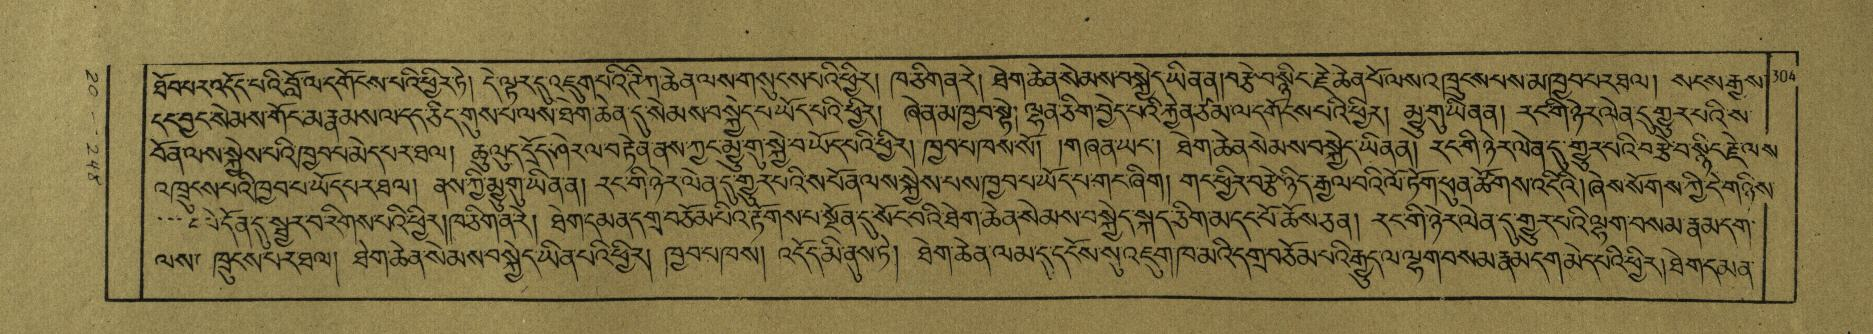ཐོབ་པར་འདོད་པའི་བློ་ལ་དགོངས་པའི་ཕྱིར་ཏེ། དེ་ལྟར་དུ་འཇུག་པའི་ཊིཀ་ཆེན་ལས་གསུངས་པའི་ཕྱིར། ཁ་ཅིག་ན་རེ། ཐེག་ཆེན་སེམས་བསྐྱེད་ཡིན་ན། བརྩེ་བ་སྙིང་རྗེ་ཆེན་པོ་ལས་འཁྲུངས་པས་མ་ཁྱབ་པར་ཐལ། སངས་རྒྱས་
དང་བྱང་སེམས་གོང་མ་རྣམས་ལ་དད་ཅིང་གུས་པ་ལས་ཐེག་ཆེན་དུ་སེམས་བསྐྱེད་པ་ཡོད་པའི་ཕྱིར། ཞེ་ན་མ་ཁྱབ་སྟེ། ལྷན་ཅིག་བྱེད་པའི་རྐྱེན་ཙམ་ལ་དགོངས་པའི་ཕྱིར། མྱུ་གུ་ཡིན་ན། རང་གི་ཉེར་ལེན་དུ་གྱུར་པའི་ས་
བོན་ལས་སྐྱེས་པའི་ཁྱབ་པ་མེད་པར་ཐལ། ཆུ་ལུད་དྲོད་ཤེར་ལ་བརྟེན་ནས་ཀྱང་མྱུ་གུ་སྐྱེ་བ་ཡོད་པའི་ཕྱིར། ཁྱབ་པ་ཁས་སོ། །གཞན་ཡང་། ཐེག་ཆེན་སེམས་བསྐྱེད་ཡིན་ན། རང་གི་ཉེར་ལེན་དུ་གྱུར་པའི་བརྩེ་བ་སྙིང་རྗེ་ལས་
འཁྲུངས་པའི་ཁྱབ་པ་ཡོད་པར་ཐལ། ནས་ཀྱི་མྱུ་གུ་ཡིན་ན། རང་གི་ཉེར་ལེན་དུ་གྱུར་པའི་ས་བོན་ལས་སྐྱེས་པས་ཁྱབ་པ་ཡོད་པ་གང་ཞིག། གང་ཕྱིར་བརྩེ་ཉིད་རྒྱལ་བའི་ལོ་ཏོག་ཕུན་ཚོགས་འདིའི། ཞེས་སོགས་ཀྱི་དེ་གཉིས་
དཔེ་དོན་དུ་སྦྱར་བ་རིགས་པའི་ཕྱིར། ཁ་ཅིག་ན་རེ། ཐེག་དམན་དགྲ་བཅོམ་པའི་རྟོགས་པ་སྔོན་དུ་སོང་བའི་ཐེག་ཆེན་སེམས་བསྐྱེད་སྐད་ཅིག་མ་དང་པོ་ཆོས་ཅན། རང་གི་ཉེར་ལེན་དུ་གྱུར་པའི་ལྷག་བསམ་རྣམ་དག་
ལས་འཁྲུངས་པར་ཐལ། ཐེག་ཆེན་སེམས་བསྐྱེད་ཡིན་པའི་ཕྱིར། ཁྱབ་པ་ཁས། འདོད་མི་ནུས་ཏེ། ཐེག་ཆེན་ལམ་དུ་དངོས་སུ་འཇུག་ཁ་མའི་དགྲ་བཅོམ་པའི་རྒྱུད་ལ་ལྷག་བསམ་རྣམ་དག་མེད་པའི་ཕྱིར། ཐེག་དམན་